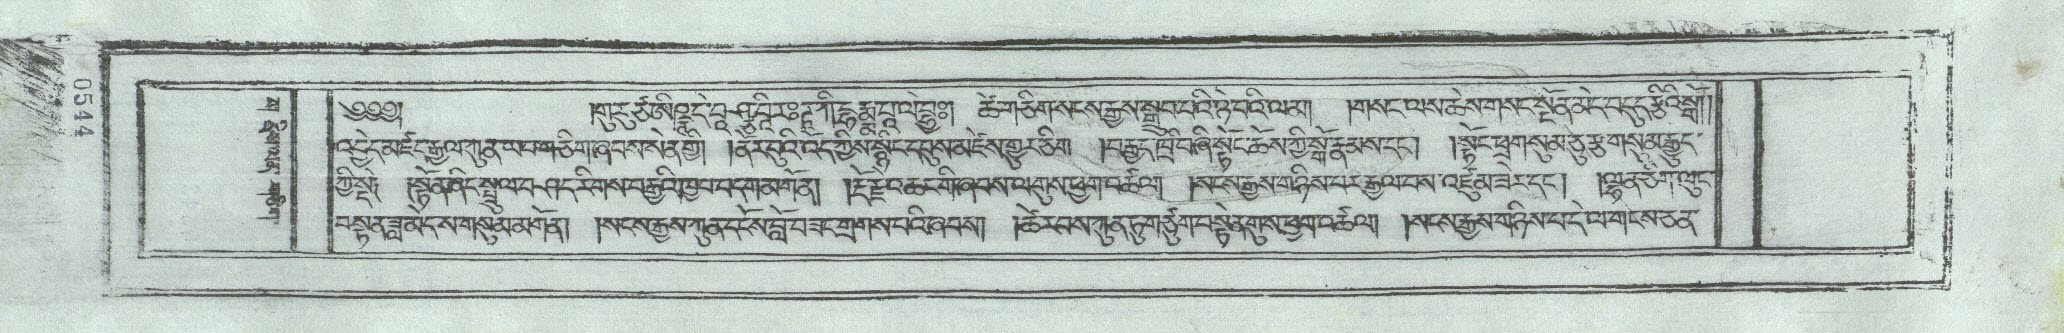༄༅༅། །གུ་རུ་ཙ་ཨིཥྚ་དེ་བཱཤྩ་བཱི་རཿཌཱ་ཀི་དྷརྨྨ་བཱ་ལེ་བྷྱཿ། ཚེ་གཅིག་སངས་རྒྱས་སྒྲུབ་པའི་ཉེ་བའི་ལམ། །གསང་ལས་ཆེས་གསང་སྔོན་མེད་བདུད་རྩིའི་སྒོ།།
འབྱེད་མཛད་རྒྱལ་ཀུན་ཡབ་གཅིག་ཞབས་སེན་གྱི། །ནོར་བུའི་འོད་ཀྱིས་སྙིང་དབུས་མཛེས་གྱུར་ཅིག །བརྒྱད་ཁྲི་བཞི་སྟོང་ཆོས་ཀྱི་སྒོ་རྣམས་དང་། །སྟོང་ཕྲག་སུམ་ཅུ་རྩ་གསུམ་རྒྱུད་
ཀྱི་སྡེ། །སྟོང་ཞིང་སྤྲུལ་བཤད་རིགས་བརྒྱའི་ཁྱབ་བདག་མགོན། །རྡོ་རྗེ་འཆང་གི་ཞབས་ལ་གུས་ཕྱག་འཚལ། །སངས་རྒྱས་གཉིས་པར་རྒྱལ་བས་འཛུམ་ཟེར་དང་། །ལྷན་ཅིག་ལུང་
བསྟན་ཟླ་མེད་ས་གསུམ་མགོན། །སངས་རྒྱས་ཀུན་དངོས་བློ་བཟང་གྲགས་པའི་ཞབས། །ཚེ་རབས་ཀུན་ཏུ་གཙུག་བསྟེན་གུས་ཕྱག་འཚལ། །སངས་རྒྱས་གཉིས་པ་དེ་ལ་གངས་ཅན་